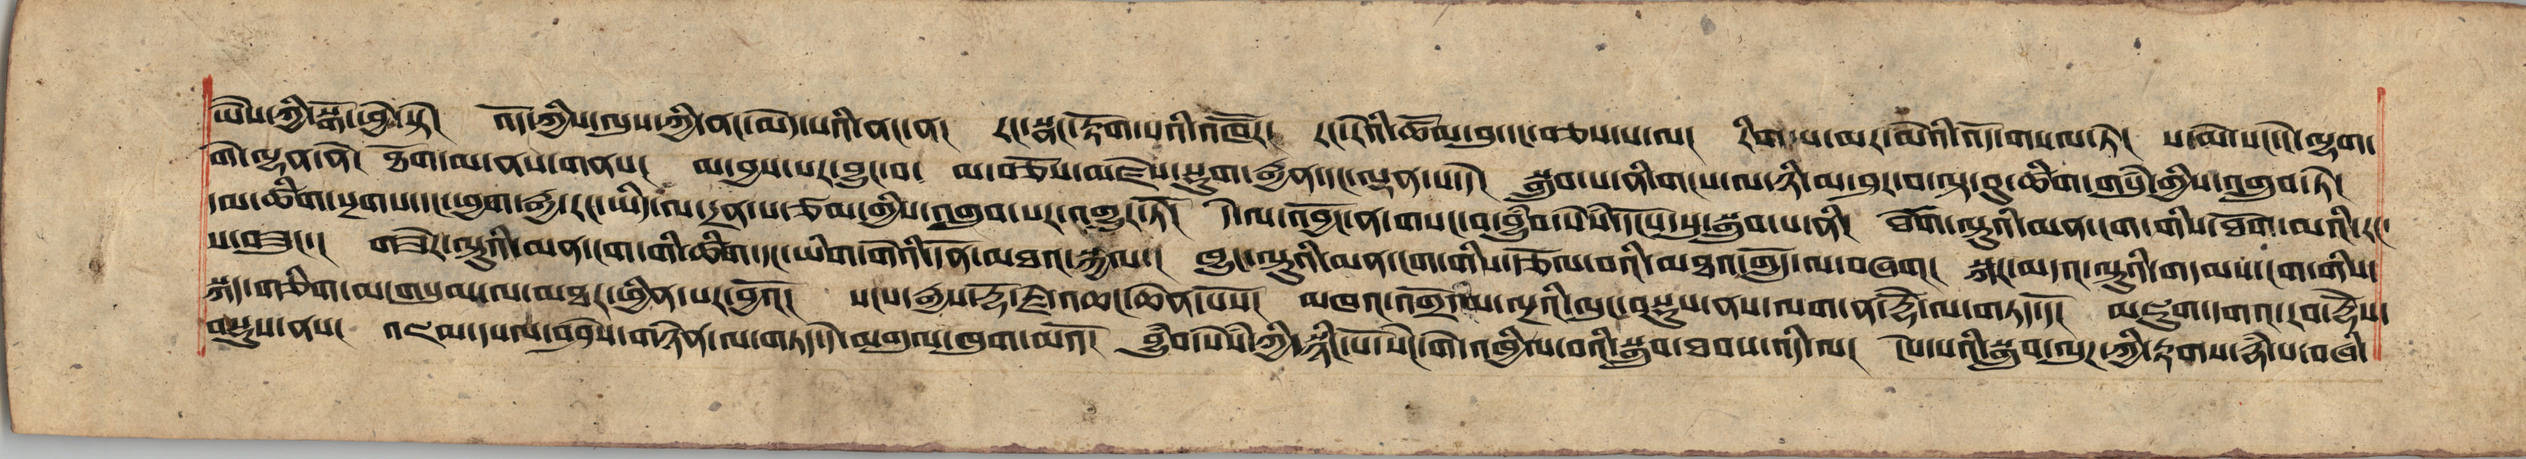ཡཻས་ཀྱི་སྒོ་ཕྱེ་སྟེ། འོད་ཀྱིས་ལུས་ཀྱི་ནང་མེད་པའི་ནང་ན། རང་སྣང་རྟོག་པའི་འཁཽར། རང་རེའི་ཚོམ་བུ་དང་བཅས་པ་ལ། རིག་པ་མར་མེའི་འོད་གསལ་ཏེ། ས་མེ་སང་ངེ་ལྷག་
གེ་ལྷན་ནེ། ཐོག་མ་ནས་གནས། མ་བྱས་པར་བྱུང་བ། མ་བཅོས་མཛེས་སྡུག་རྒྱན་དང་ལྡན་པ་དེ། སྒྲུབ་པ་ནི་གངས་ལ་ཉི་མ་ཤར་བ་ལྟ་བུ་ཚིག་གསུཾ་གྱིས་འགྲུབ་ཏེ།
དམ་ཚིག་སྔགས་དང་ཕྱག་རྒྱ་རང་ཡིད་ལ་དྲན་པ་ཙམ་གྱིས་འགྲུབ་པར་འགྱུར་ཏོ། དེ་ལ་འབྱོང་ན་གསང་བ་བྱུཾབ་སེཾས་དངོས་སུ་སྒྲུབ་པ་ནི། ཐོག་ལྟུའི་མན་ངག་གིས་ཐོག་མའི་རང་
ས་བཟུང་། གཟེར་ལྟུའི་མན་ངག་གི་ཚིག་དང་ཡིག་གེའི་དོན་མཐའ་སྐྱལ་། ཁྱུང་ལྟུའི་མན་ངག་གིས་རྩོལ་བའི་མཐའ་གློད་ལ་བཞག། སྐར་མདའ་ལྟུའི་གདམས་ངག་གིས་
སྐད་གཅིག་མ་གསུམ་ལ་མཐར་ཕྱིན་པར་བྱའོ། སངས་རྒྱས་རྡོ་རྗེ་འཆང་ཆེན་པོས་། མཁའ་འགྲོ་མ་ལྔའི་ལུང་བསྡུས་ནས་ལག་ན་རྡོེ་ལ་གཏད་དོ། མཇུག་དགའ་རབ་རྡོེས་
བསྡུས་ནས། འཇམ་དཔལ་བཤེས་གཉེན་ལ་གཏད་དེ་མགུལ་ཁུག་མའོ། བྱུཾབ་སེཾས་ཀྱི་སྙིང་པོ་སེང་གེ་འཁྱིལ་བའི་སྒྲུབ་ཐབས་འདི་ལ། ངེས་པའི་སྒྲུབ་ལུཌ་ཀྱི་རྟགས་རྣཾ་པ་བཞི་